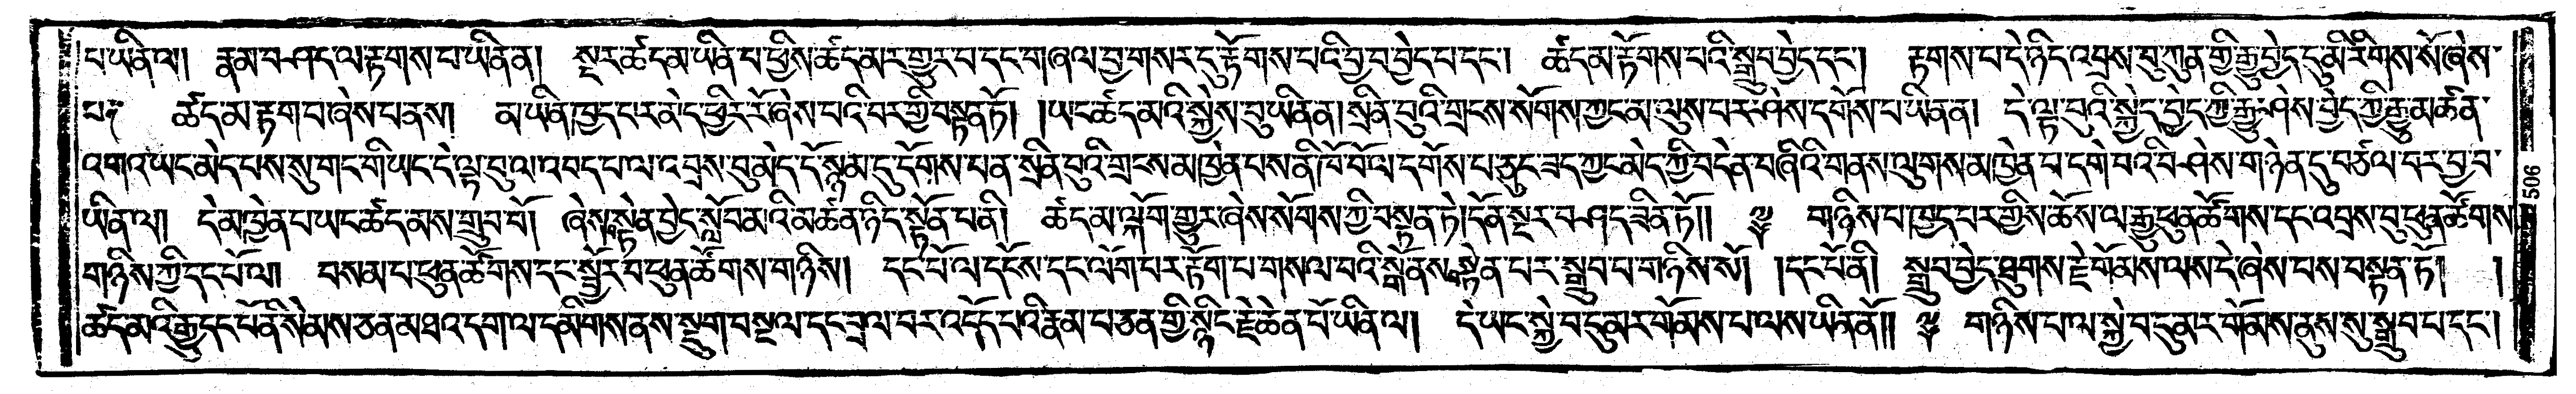པ་ཡིན་ལ། རྣམ་བཤད་ལ་རྟགས་པ་ཡིན་ན། སྔར་ཚད་མ་ཡིན་པ་ཕྱིས་ཚད་མར་གྱུར་པ་དང་གཞལ་བྱ་གསར་དུ་རྟོགས་པའི་བྱ་བ་བྱེད་པ་དང་། ཚད་མ་རྟོགས་པའི་སྒྲུབ་བྱེད་དང་། རྟགས་པ་དེ་ཉིད་འབྲས་བུ་ཀུན་གྱི་རྒྱུ་བྱེད་དུ་མི་རིགས་སོ་ཞེས་
པ། ཚད་མ་རྟག་པ་ཞེས་པ་ནས། མ་ཡིན་ཁྱད་པར་མེད་ཕྱིར་རོ་ཞེས་པའི་བར་གྱི་བསྟན་ཏོ། །ཡང་ཚད་མའི་སྐྱེས་བུ་ཡིན་ན། སྲིན་བུའི་གྲངས་སོགས་ཀྱང་མ་ལུས་པར་ཤེས་དགོས་པ་ཡིན་ན། དེ་ལྟ་བུའི་སྐྱེད་བྱེད་ཀྱི་རྒྱུ་ཤེས་བྱེད་ཀྱི་རྒྱུ་མཚན་
འགའ་ཡང་མེད་པས་སུ་གང་གི་ཡང་དེ་ལྟ་བུ་ལ་འབད་པ་ལ་འབྲས་བུ་མེད་དོ་སྙམ་དུ་དོགས་པ་ན་སྲིན་བུའི་གྲངས་མཁྱེན་པས་ནི་ཁོ་བོ་ལ་དགོས་པ་ཅུང་ཟད་ཀྱང་མེད་ཀྱི་བདེན་བཞིའི་གནས་ལུགས་མཁྱེན་པ་དགེ་བའི་བཤེས་གཉེན་དུ་བཙལ་བར་བྱ་བ་
ཡིན་ལ། དེ་མཁྱེན་པ་ཡང་ཚད་མས་གྲུབ་པོ། ཞེས་བསྟེན་བྱེད་སློབ་མའི་མཚན་ཉིད་སྟོན་པ་ནི། ཚད་མ་ལྐོག་གྱུར་ཞེས་སོགས་ཀྱི་བསྟན་ཏེ། དོན་སྔར་བཤད་ཟིན་ཏོ།། ༈ གཉིས་པ་ཁྱད་པར་གྱིས་ཆོས་ལ་རྒྱུ་ཕུན་ཚོགས་དང་འབྲས་བུ་ཕུན་ཚོགས་
གཉིས་ཀྱི་དང་པོ་ལ། བསམ་པ་ཕུན་ཚོགས་དང་སྦྱོར་བ་ཕུན་ཚོགས་གཉིས། དང་པོ་ལ་དངོས་དང་ལོག་པར་རྟོག་པ་གསལ་བའི་སྒོ་ནས་བསྟེན་པར་སྒྲུབ་པ་གཉིས་སོ། །དང་པོ་ནི། སྒྲུབ་བྱེད་ཐུགས་རྗེ་གོམས་ལས་དེ་ཞེས་པས་བསྟན་ཏོ། །
ཚད་མའི་རྒྱུ་དང་པོ་ནི་སེམས་ཅན་མཐའ་དག་ལ་དམིགས་ནས་སྡུག་བསྔལ་དང་བྲལ་བར་འདོད་པའི་རྣམ་པ་ཅན་གྱི་སྙིང་རྗེ་ཆེན་པོ་ཡིན་ལ། དེ་ཡང་སྐྱེ་བ་དུ་མར་གོམས་པ་ལས་ཡིན་ནོ།། ༈ གཉིས་པ་ལ་སྐྱེ་བ་དུ་མར་གོམས་ནུས་སུ་སྒྲུབ་པ་དང་།